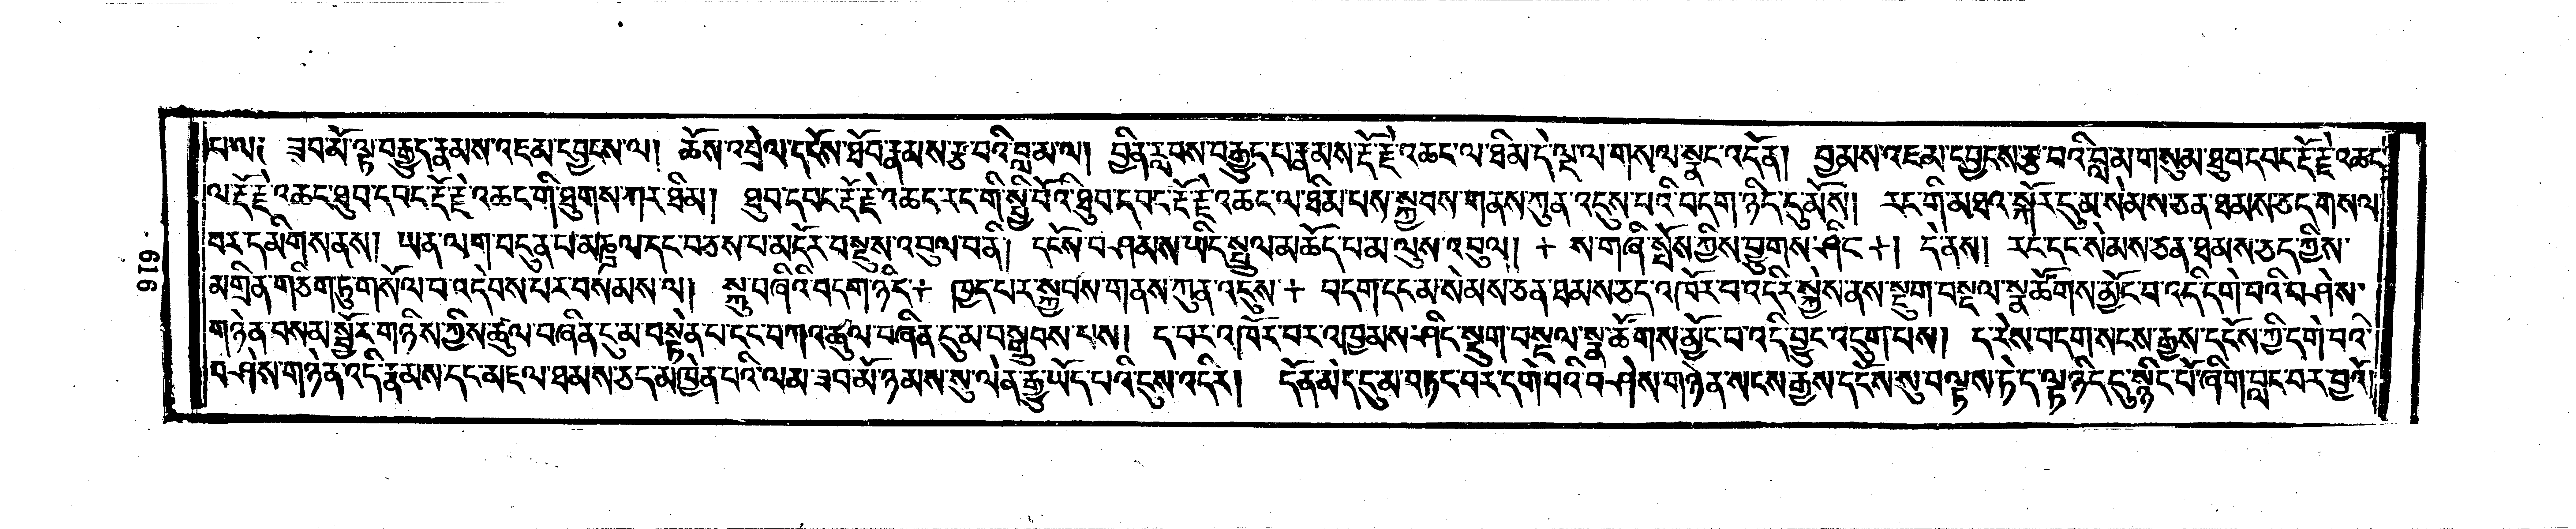པ་ལ༑ ཟབ་མོ་ལྟ་བརྒྱུད་རྣམས་འཇམ་དབྱངས་ལ། ཆོས་འབྲེལ་དངོས་ཐོབ་རྣམས་རྩ་བའི་བླ་མ་ལ། བྱིན་རླབས་བརྒྱུད་པ་རྣམས་རྡོ་རྗེ་འཆང་ལ་ཐིམ་དེ་ལྔ་ལ་གསལ་སྣང་འདོན། བྱམས་འཇམ་དབྱངས་རྩ་བའི་བླ་མ་གསུམ་ཐུབ་དབང་རྡོ་རྗེ་འཆང་
ལ་རྡོ་རྗེ་འཆང་ཐུབ་དབང་རྡོ་རྗེ་འཆང་གི་ཐུགས་ཀར་ཐིམ། ཐུབ་དབང་རྡོ་རྗེ་འཆང་རང་གི་སྦྱི་བོའི་ཐུབ་དབང་རྡོ་རྗེ་འཆང་ལ་ཐིམ་པས་སྐྱབས་གནས་ཀུན་འདུས་པའི་བདག་ཉིད་དུ་མོས། རང་གི་མཐའ་སྐོར་དུ་མ་སེམས་ཅན་ཐམས་ཅད་གསལ་
བར་དམིགས་ནས། ཡན་ལག་བདུན་པ་མཎྜལ་དང་བཅས་པ་མདོར་བསྡུས་འབུལ་བ་ནི། དངོས་བཤམས་ཡིད་སྤྲུལ་མཆོད་པ་མ་ལུས་འབུལ། +་ས་གཞི་སྤོས་ཀྱིས་བྱུགས་ཤིང་+། དེ་ནས། རང་དང་སེམས་ཅན་ཐམས་ཅད་ཀྱིས་
མགྲིན་གཅིག་ཏུ་གསོལ་བ་འདེབས་པར་བསམས་ལ། སྐུ་བཞིའི་བདག་ཉིད་+། ཁྱད་པར་སྐྱབས་གནས་ཀུན་འདུས་+། བདག་དང་མ་སེམས་ཅན་ཐམས་ཅད་འཁོར་བ་འདིར་སྐྱེས་ནས་སྡུག་བསྔལ་སྣ་ཚོགས་མྱོང་བ་འདི་དགེ་བའི་བཤེས་
གཉེན་བསམ་སྦྱོར་གཉིས་ཀྱིས་ཚུལ་བཞིན་དུ་མ་བསྟེན་པ་དང་བཀའ་ཚུལ་བཞིན་དུ་མ་བསྒྲུབས་པས། ད་བར་འཁོར་བར་འཁྱམས་ཤིང་སྡུག་བསྔལ་སྣ་ཚོགས་མྱོང་བ་འདི་བྱུང་འདུག་པས། ད་རེས་བདག་སངས་རྒྱས་དངོས་ཀྱི་དགེ་བའི་
བཤེས་གཉེན་འདི་རྣམས་དང་མཇལ་ཐམས་ཅད་མཁྱེན་པའི་ལམ་ཟབ་མོ་ཉམས་སུ་ལེན་རྒྱུ་ཡོད་པའི་དུས་འདིར། དོན་མེད་དུ་མ་བཏང་བར་དགེ་བའི་བཤེས་གཉེན་སངས་རྒྱས་དངོས་སུ་བལྟས་ཏེ་ད་ལྟ་ཉིད་དུ་སྙིང་པོ་ཞིག་བླང་བར་བྱའོ།